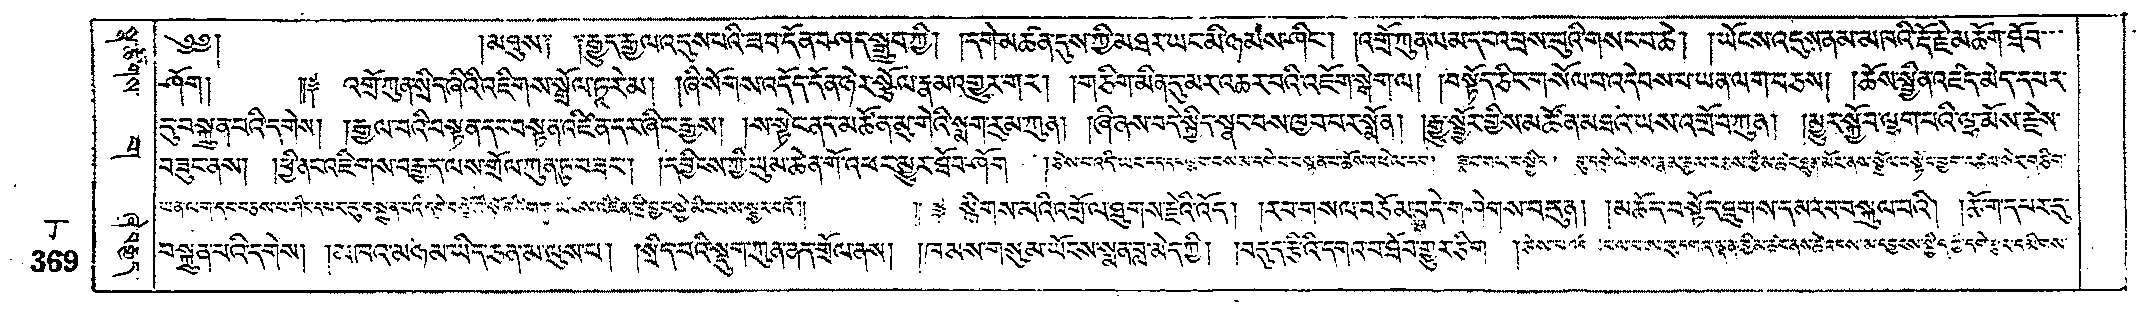༄༅། །མཐུས༑ ༑རྒྱུད་རྒྱལ་འདུས་པའི་ཟབ་དོན་བཟད་སྒྲུབ་ཀྱི། །དགེ་མཚན་དུས་ཀྱི་མཐར་ཡང་མི་ཉམས་ཤིང་། །འགྲོ་ཀུན་ལམ་དང་འབྲས་བུའི་གསང་བ་ཆེན། །ཡོངས་འདུས་ནམ་མཁའི་རྡོ་རྗེ་མཆོག་ཐོབ་་་
ཤོག ། །། འ་འགྲོ་ཀུན་སྲིད་ཞིའི་འཇིགས་སྒྲོལ་ཏཱ་རེ་མ། །ཞི་སོགས་འདོད་དོན་ཉེར་སྩོལ་རྣམ་འགྱུར་གར། །གཅིག་མིན་དུ་མར་འཆར་བའི་འཇོག་སྒེག་ལ། །བསྟོད་ཅིང་གསོལ་བ་འདེབས་པ་ཡན་ལག་བཅས། །ཆོས་སྦྱིན་འཛད་མེད་དཔར་
དུ་བསྐྲུན་པའི་དགེས། །རྒྱལ་བའི་བསྟན་དང་བསྟན་འཛིན་དར་ཞིང་རྒྱས། །ས་སྟེང་ནད་མཚོན་མུ་གེའི་སྨག་རུམ་ཀུན། །ཞི་ནས་བདེ་སྐྱིད་སྣང་བས་ཁྱབ་པར་སྨོན། །རྒྱུ་སྦྱོར་གྱིས་མཚོན་མཁའ་ཡས་འགྲོ་བ་ཀུན། །མྱུར་སྐྱོབ་ལྷག་པའི་ལྷ་མོས་རྗེས་
བཟུང་ནས། །ཕྱི་ནང་འཇིགས་བརྒྱད་ལས་གྲོལ་ཀུན་ཏུ་བཟང་། དབྱིངས་ཀྱི་ཡུམ་ཆེན་གོ་འཕང་མྱུར་ཐོབ་ཤོག །ཅེས་པ་འདི་ཡང་དད་དང་ལྷག་བསམ་དགེ་བ་བསྟན་པ་ཆོས་འཕེལ་དང་། ཟླ་བ་གཡང་སྐྱིད། བུ་དགེ་ལེགས་རྣམ་རྒྱལ་བཅས་ཁྱིམ་ཚང་ཐུན་མོང་ནས་སྒྲོལ་བསྟོད་ཕྱག་འཚལ་ཉེར་གཅིག་
ཡན་ལག་དང་བཅས་པ་ཤིང་དཔར་དུ་བསྐྲུན་པའི་དགེ་བསྔོའི་སྨོན་ཚིག་ཏུ་ཡོངས་འཛིན་ཁྲི་བྱང་སྐྱེ་མིང་པས་སྦྱར་བའོ།། །། འ་སྙིགས་མའི་འགྲོ་ལ་ཐུགས་རྗེའི་འོད། །རབ་གསལ་བཅོམ་ལྡན་བདེ་གཤེགས་བདུན། །མཆོག་བསྟོད་ཐུགས་དམ་རབ་བསྐུལ་བའི། །ཆོ་ག་དཔར་དུ་
བསྐྲུན་པའི་དགེས། །མཁའ་མཉམ་ཡིད་ཅན་མ་ལུས་པ། །སྲིད་པའི་སྡུག་ཀུན་ནད་གྲོལ་ནས། །ཁམས་གསུམ་ཡོངས་སྨན་བླ་མེད་ཀྱིས། །བདུད་རྩིའི་དགའ་བ་ཐོབ་གྱུར་ཅིག་།ཅེས་པ་འདི་ཡང་ལ་པ་ཨ་ཁུ་དགའ་ལྡན་ཁྱིམ་ཚང་ནས་ཚེ་འདས་མ་དབྱངས་སྐྱིད་ཀྱི་དགེ་རྩར་དམིགས